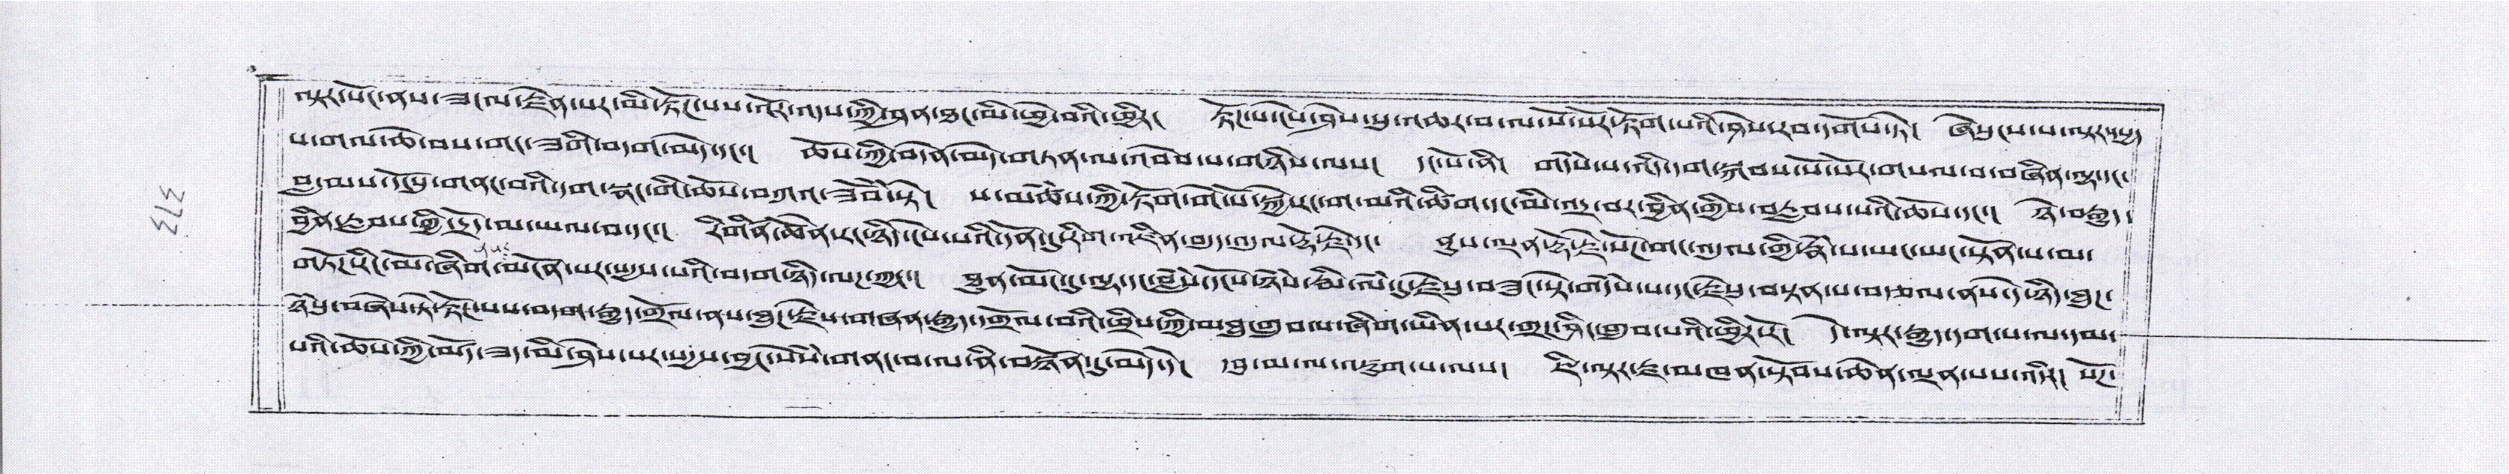ལྟར་སོང་ནས་ཟ་ལ་རྗེན་པར་མི་རྟོགས་པས་འཁོར་འདས་ཀྱི་ཤན་ཐང་མི་ཕྱེ་བའི་ཕྱིར། རྟོགས་པ་ངེས་ཤེས་སུ་འཆར་བ་ལ་སོ་སོར་རྟོག་པའི་ཤེས་རབ་དགོས་ཏེ། ཞེས་གསུངས་པ་ལྟར་དཔྱད་
པ་གལ་ཆེ་བས་གང་ཟག་གི་བདག་མེད་དང། ཆོས་ཀྱི་བདེན་མེད་གཏན་ལ་འབེབ་པ་གཉིས་ལས། དང་པོ་ནི། གདམས་པ་འདི་དག་སྐབས་སོ་སོར་གསལ་བ་བཞིན་ལྷ་དང་
བླ་མས་དངོས་སུ་གནང་བའི་དག་སྣང་གི་ཆོས་བཀའ་ཟབ་མོ་སྟེ། ས་མཚམས་ཀྱི་རྟོག་གེ་སོ་སྐྱེ་རང་ག་མའི་ཚིག་དང་མི་འདྲ་བར་བྱིན་གྱིས་བརླབས་པའི་ཆོས་དང། ཉེ་བརྒྱུད་
བྱིན་རླབས་ཀྱི་དྲོད་མ་ཡལ་བ་དང། རིག་འཛིན་ཆེན་པོ་རང་ཉིད་ངེས་པའི་དོན་དུ་རིག་འཛིན་བདུད་འདུལ་རྡོ་རྗེ་དང། ནུས་ལྡན་རྡོ་རྗེ་སོགས་གང་འདུལ་གྱི་རྣམ་པ་ཡང་ཡང་སྟོན་པ་མ་
གཏོགས་རིང་མོ་ཞིག་ནས་མངོན་པར་སངས་རྒྱས་པའི་བདག་ཉིད་ལགས་ཀྱང། ཐུན་མོང་དུ་ལྷ་དང་བླ་མས་དངོས་ཉམས་རྨི་ལམ་དུ་རྗེས་སུ་བཟུང་སྟེ་གདམས་པ་དང་རྗེས་སུ་བསྟན་པ་བརྩལ་ནས་དེ་ཉིད་ཐུགས་
ཉམས་སུ་བཞེས་ཏེ་རྟོགས་པས་བདག་རྒྱུད་གྲོལ་ནས་ཐུགས་རྗེས་གཞན་རྒྱུད་དགྲོལ་བའི་ཕྲིན་ལས་ཀྱི་མཐུ་གྲུབ་པ་ཞིག་ཡིན་པར་གྲངས་ཤིང་གྲུབ་པའི་ཕྱིར་རོ། དེ་ལྟར་རྒྱུད་དག་པ་ལ་དམ་
པའི་ཆོས་ཀྱི་མཛོད་ཟད་མི་ཤེས་པར་སངས་རྒྱས་བྱང་སེམས་གནང་བ་ལ་ནི་བསྙོན་མཛད་དུ་མེད་དེ། དབུ་མ་ལ་འཇུག་པ་ལས། ཇི་ལྟར་རྫ་མཁན་སྟོབས་ཆེན་ལྡན་པས་འདིར། སོགས་